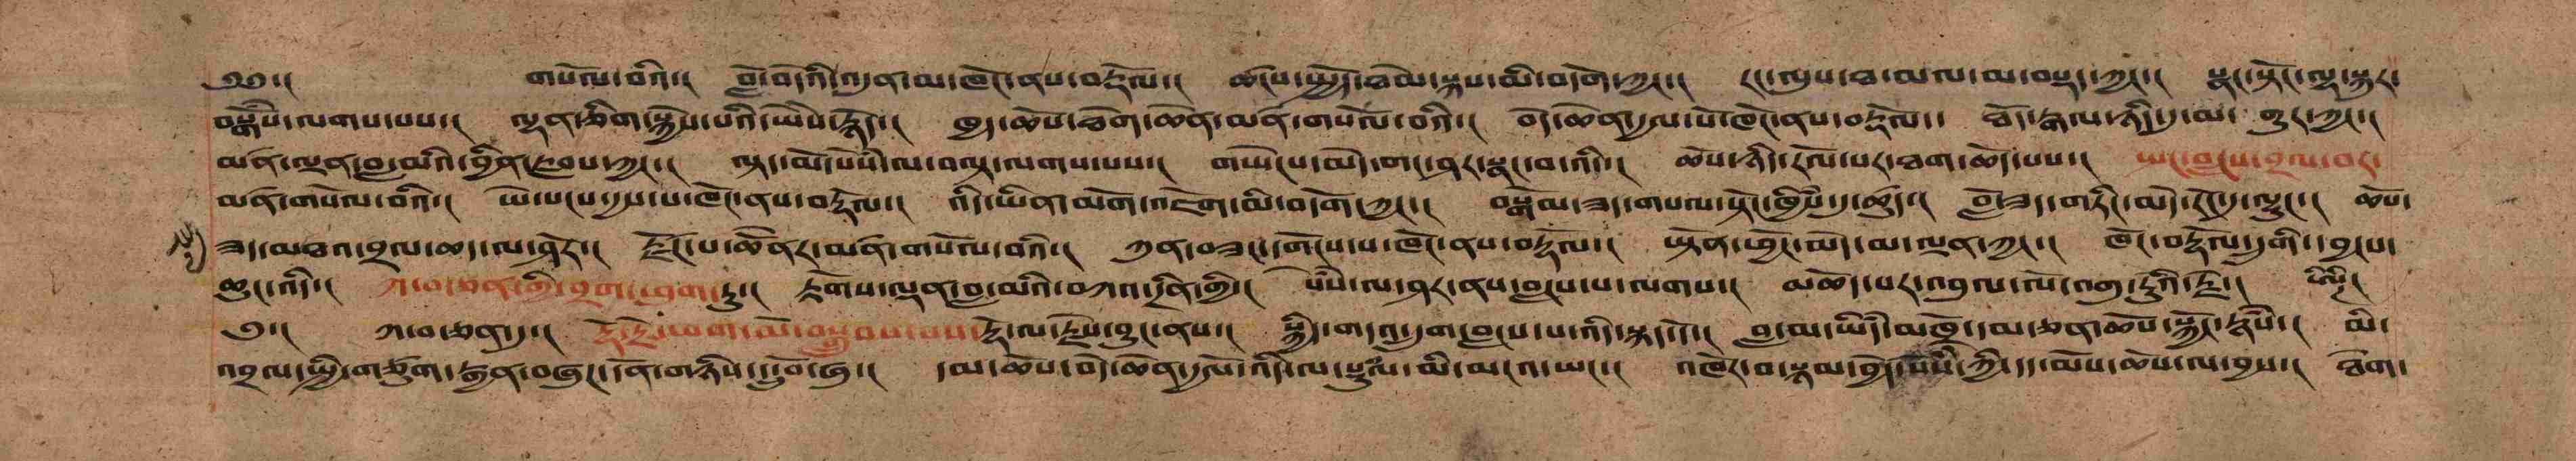༄༅།། གསོལ་བའི།། བློ་བདེའི་འདུན་མ་ཁོང་ནས་བརྡོལ།། ཚངས་སྤྱོད་ཐེམ་སྐས་མི་བདོག་ཀྱང་།། རང་ལུས་ཐ་མལ་མ་བསྡད་ཀྱང་།། སྣང་སྟོང་ལྷ་སྐུར་
བསྒོམས་ལགས་པས།། ལྷན་ཅིག་སྐྱེས་པའི་ཡེ་ཤེས་རྙེད།། ཁྱད་ཆོས་ཐེག་ཆེན་མཚན་གསོལ་བའི།། བདེ་ཆེན་རྒྱལ་པོ་ཁོང་བརྡོལ།། ཐོད་རྒལ་ཉིད་དུ་མ་གྱུར་ཀྱང་།། 
མཚན་ལྡན་བླ་མའི་བྱིན་རླབས་ཀྱང་།། ལྟད་མོ་སེམས་ལ་བལྟ་ལགས་པས།། གཡེངས་མེད་གང་ཤར་སྣང་བ་འདི།། ཆོས་ཉིད་རོལ་པར་ཐག་ཆོད་པས།། སྤང་བླངས་བྲལ་བར་
མཚན་གསོལ་བའི།། ཡེ་སངས་རྒྱས་པ་ཁོང་ནས་བརྡོལ།། འདི་ཡིན་མགོ་འཇོག་མི་བདོག་ཀྱང་།། བསྒོམ་ཟད་གསལ་སྟོང་ཁྱིམས་དུ་ཚུད།། བློ་ཟད་གཏིང་མེད་རོང་དུ་ལྷུང་།། ཆོས་
ཟད་མཐའ་བྲལ་ཆད་ལ་ཤོར།། རྫོགས་པ་ཆེན་པོར་མཚན་གསོལ་བའི།། ཀུན་བཟང་དགོངས་པ་ཁོང་ནས་བརྡོལ།། ཡོན་ཏན་ཕྱོགས་མེད་མ་ལྡན་ཀྱང་།། ཁོང་བརྡོལ་དྲུག་གི་དབྱངས་
ཆུང་འདི།། ཀ་བ་ཅན་གྱི་བྲག་ཕུག་ཏུ།། རྟོགས་ལྡན་བླ་མའི་བཀའ་དྲིན་གྱི།། སེམས་ལ་ཤར་ནས་བླངས་པ་ལགས།། མཆོད་པ་འབུལ་ལོ་འགུ་རུའི་རྗེ།། ཨིཊི།། 
༄་། ཀ་བ་ཅན་དུ།། རྡོ་རྗེ་ཕག་མོ་བསྒྲུབས་པས་རྡོ་རྗེ་ལ་རྗེས་བྱུང་ནས།། སྐྱིད་གདའ་དྲུག་བླངས་པ་འདི་སྐད་དོ།། བླ་མ་ཡི་དམ་མཁའ་འགྲོ་དམ་ཅན་ཆོས་སྐྱོང་རྣམས།། མི་
འབྲལ་སྤྱི་གཙུག་རྒྱན་བཞུགས་དོན་གཉིས་དངོས་གྲུབ་ཞུ།། དམ་ཆོས་བདེ་ཆེན་རྒྱལ་པོ་འདི་ལ་སྡུག་བསྔལ་མི་མངའ་ཡང་།། འཁོར་བ་སྙམ་བྱེད་སེམས་ཀྱི་དད་མོས་ཆོས་ལ་བྱས།། ཐེག་